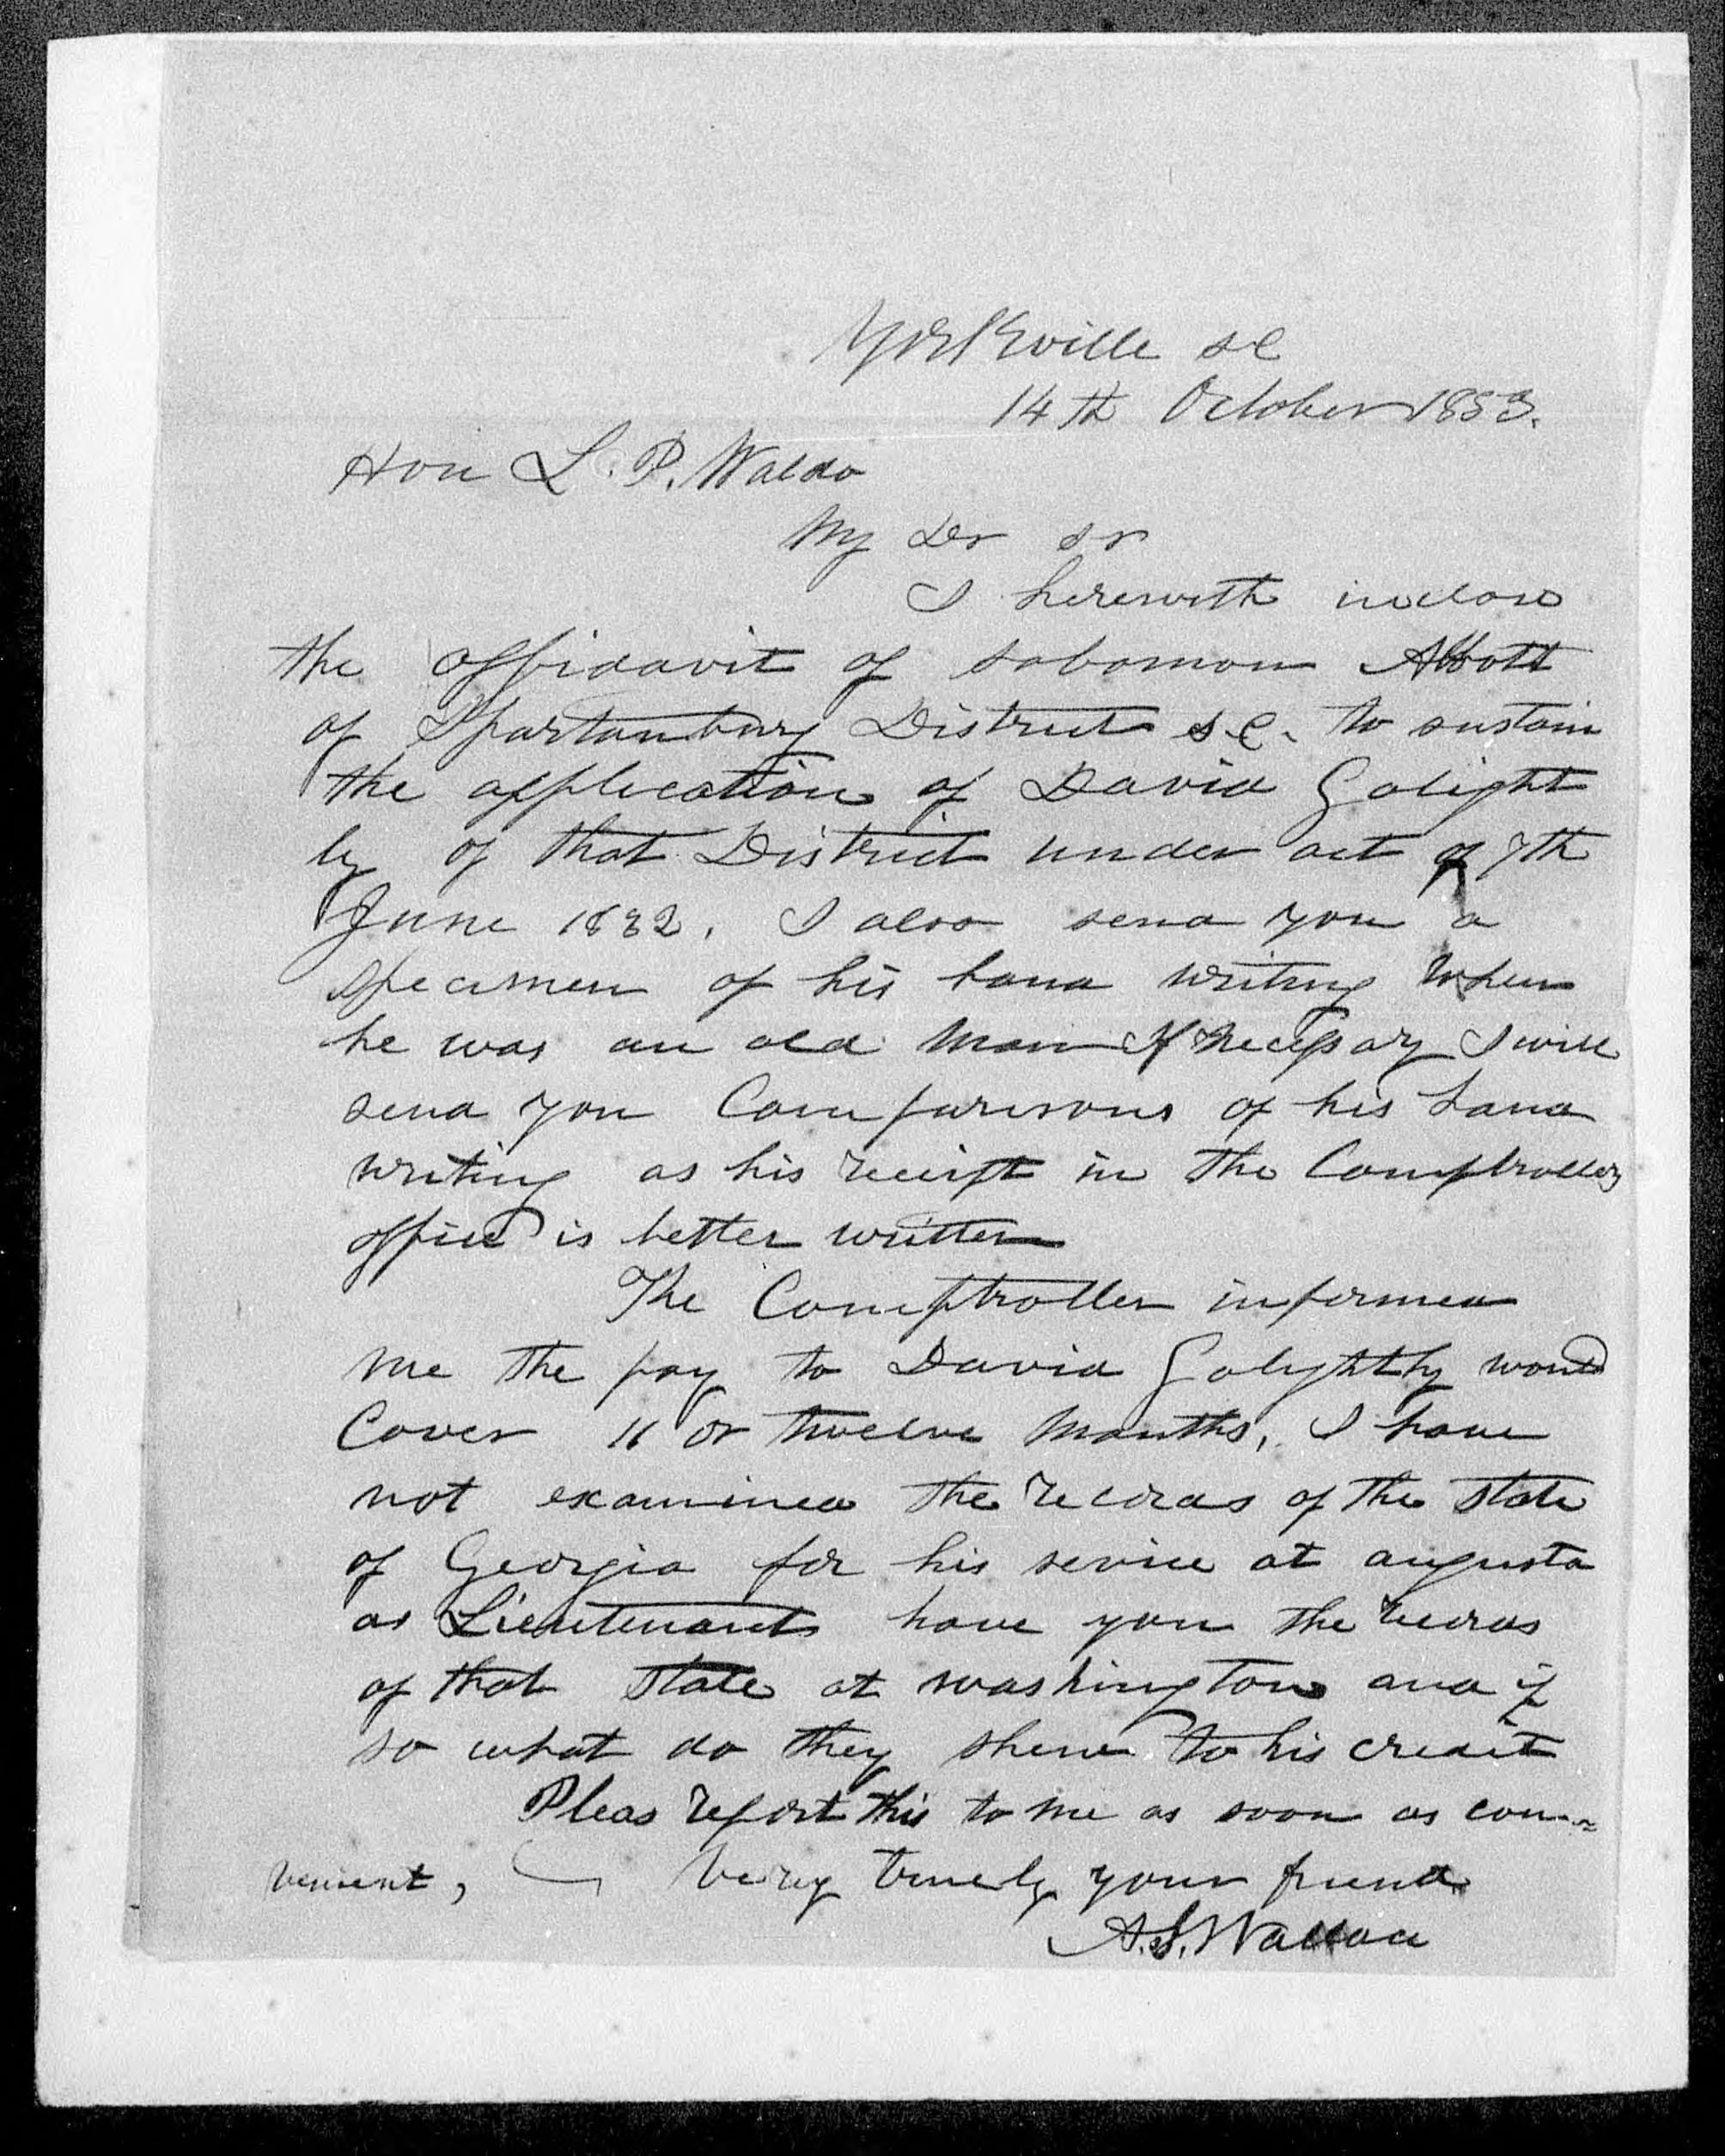Yorkville SC
14th October 1833

Hon L. P. Waldo
My Dr Sr

I herewith inclose
the affidavit of Solomon Abbott
of Spartanburg District S. C. to sustain
the application of David Golighly 
of that District under Act of 7th
June 1832.  I also send you a
specimen of his hand writing when
he ws an old man if nedessary I will
send you comparisons of his hand
writing as his receipt in the comptrollers
office is better written
The Comptroller informed
me the pay to David Golythly would
cover 11 or twelve months, I have
not examined the records of the state
of Georgia for his service at Augusta
as Lieutenat have you the records
of that state at Washington and if
so what do they show to his credit
Pleas report this to me as soon as convenient
Very truely your friend
A. S. Wallace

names: L P Waldo, David Golightly, Solomon Abbott, David Golightly, A S Wallace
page: 32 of 57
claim: survivor's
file: S. 18888, David Golightly, S.C.